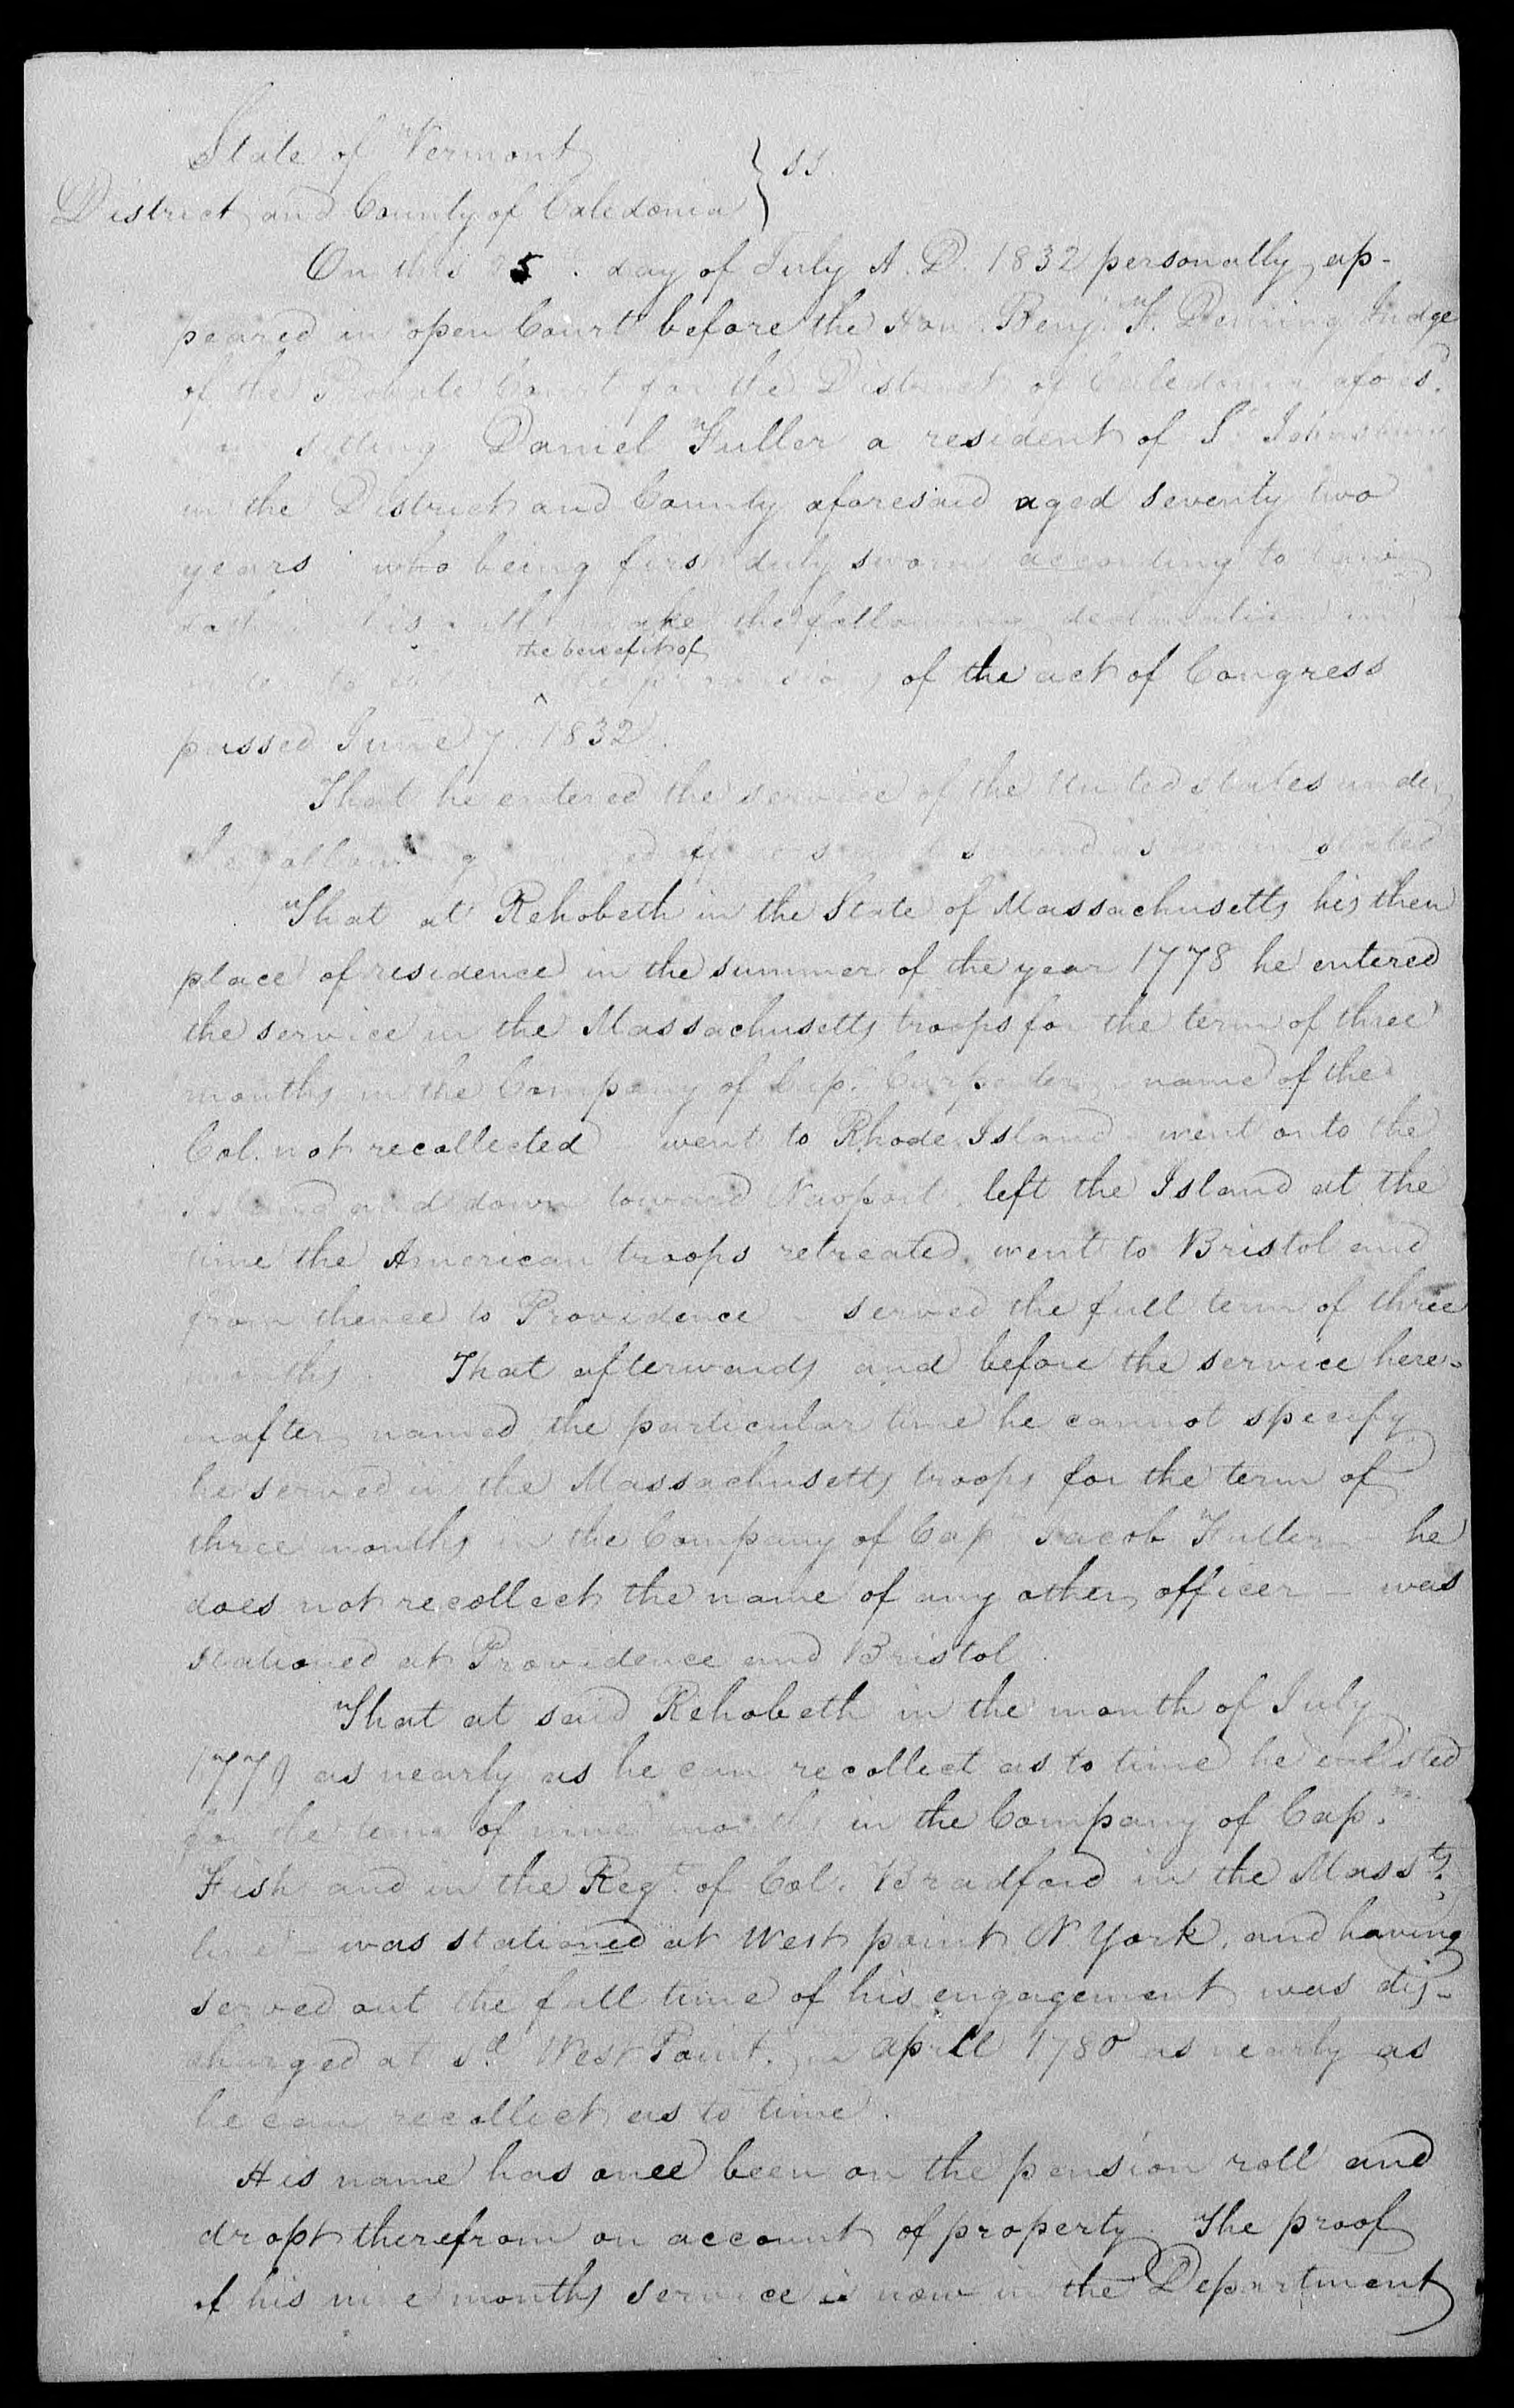State of Vermont
District and County of Caledonia} ss

On the 25th day of July A.D. 1832 personally appeared in open Court before the Hon. Benj. F. Deming Judge of the Probate Court for the District of Caledonia aforesaid.
[Illegible] setting Daniel Fuller a resident of S Johnsbury in the District and County aforesaid aged seventy two years who being duly sworn according to law made the following declarations [illegible] the benefit of [illegible], of the act of Congress passed June 7, 1832.

That he entered the service of the United States under [illegible] ...
That at Rehoboth in the State of Massachusetts his then place of residence in the summer of the year 1778 he entered the service of the Massachusetts troops for the term of three months in the Company of Cap.t Carpenter (name of the Col. not recollected). He then went to Rhode Island, went on to the Island and down toward Newport left the Island at the time the American troops retreated, went to Bristol and from thence to Providence. Served the full term of the three months. That afterwards and before the service hereinafter named the particular time he cannot specify he served in the Massachusetts troops for the term of three months in the Company of Cap. Jacob Fuller - he does not recollect the name of the other officer stationed at Providence and Bristol.

That at said Rehoboth in the month of July 1779 and nearly as he can recollect as to time he enlisted for the term of nine months in the Company of Cap. Fisk and in the Reg. of Col. Bradford in the Mass line-  was stationed at West Point N. York and having served out the full time of his engagement was discharged at [illegible] West Point in April 1780, as nearly as he can recollect as to time.

His name has [illegible] been on the pension roll and dropt therefrom on account of property. The proof of his nine months of service is now in the Department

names: Bradford, Fisk, Benj F Deming, Daniel Fuller, Jacob Fuller, Carpenter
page: 4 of 29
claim: survivor's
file: S. 18830, Daniel Fuller, Mass.